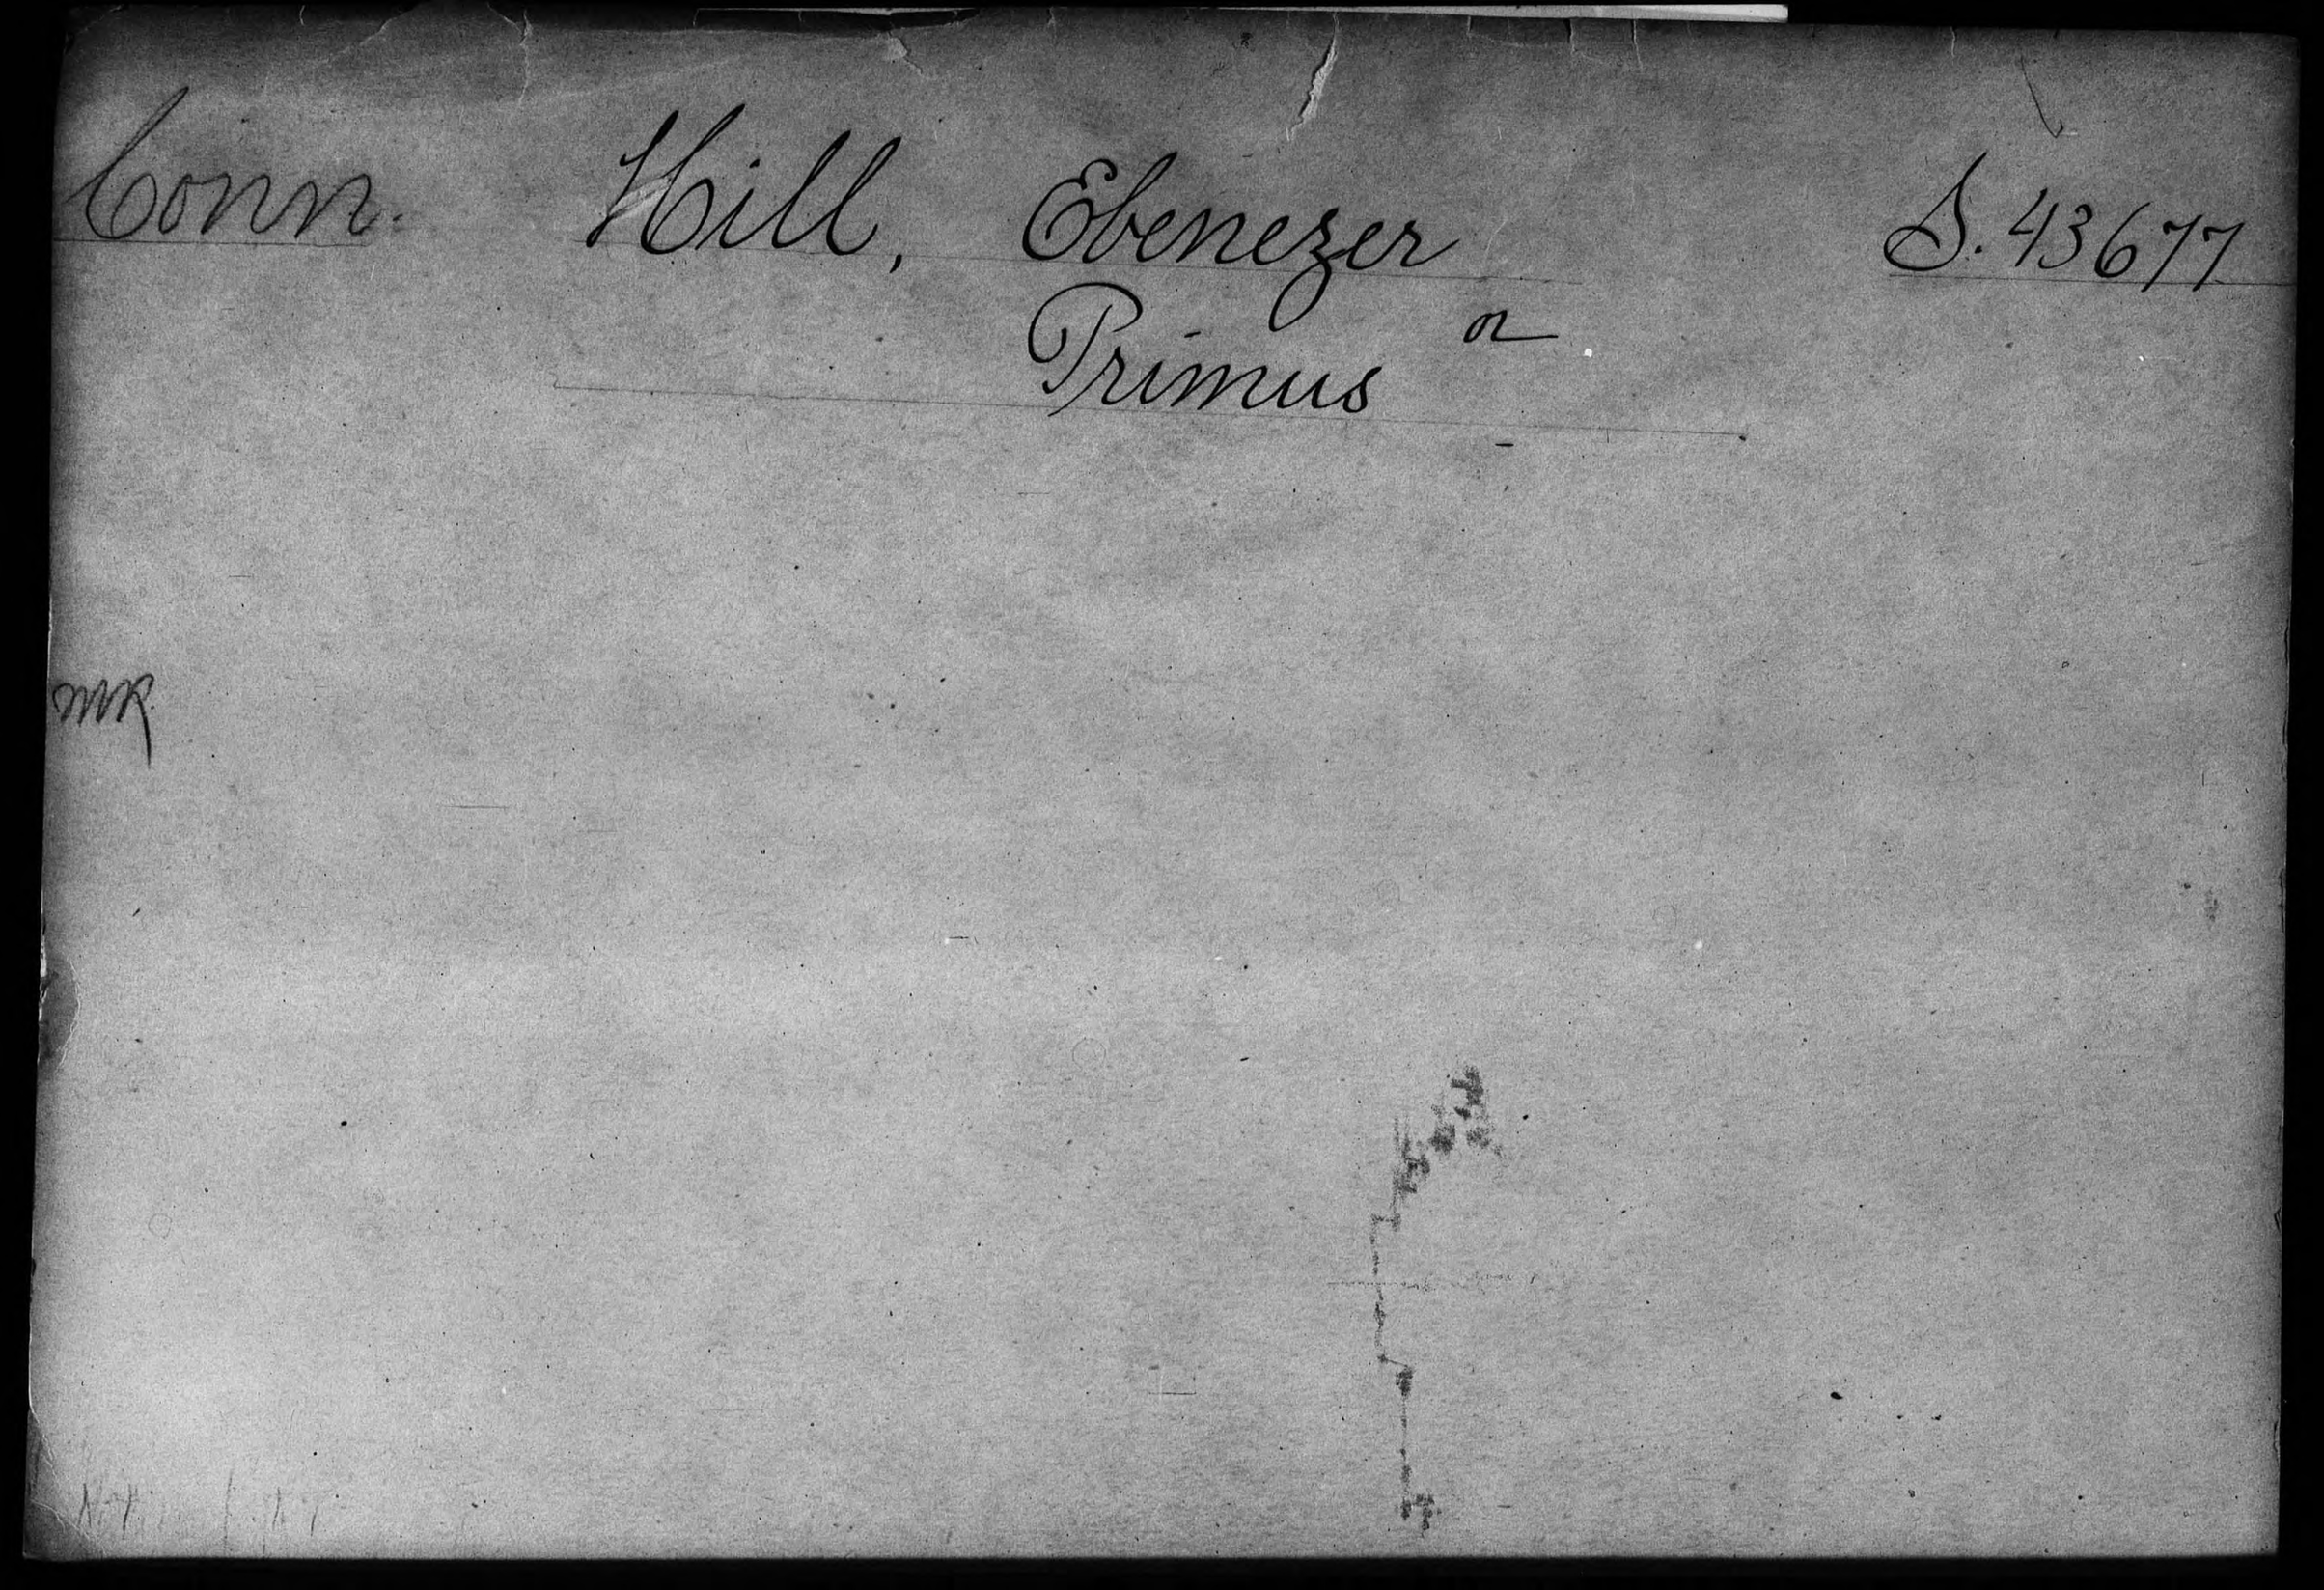[Handwritten] Conn.  Hill, Ebenezer.  :S.43677 [/Handwritten]
 [handwritten] or Primus [/handwritten, centered under “Ebenezer]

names: Primus Hill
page: 1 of 1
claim: survivor's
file: S. 43677, Ebenezer Hill, Conn.